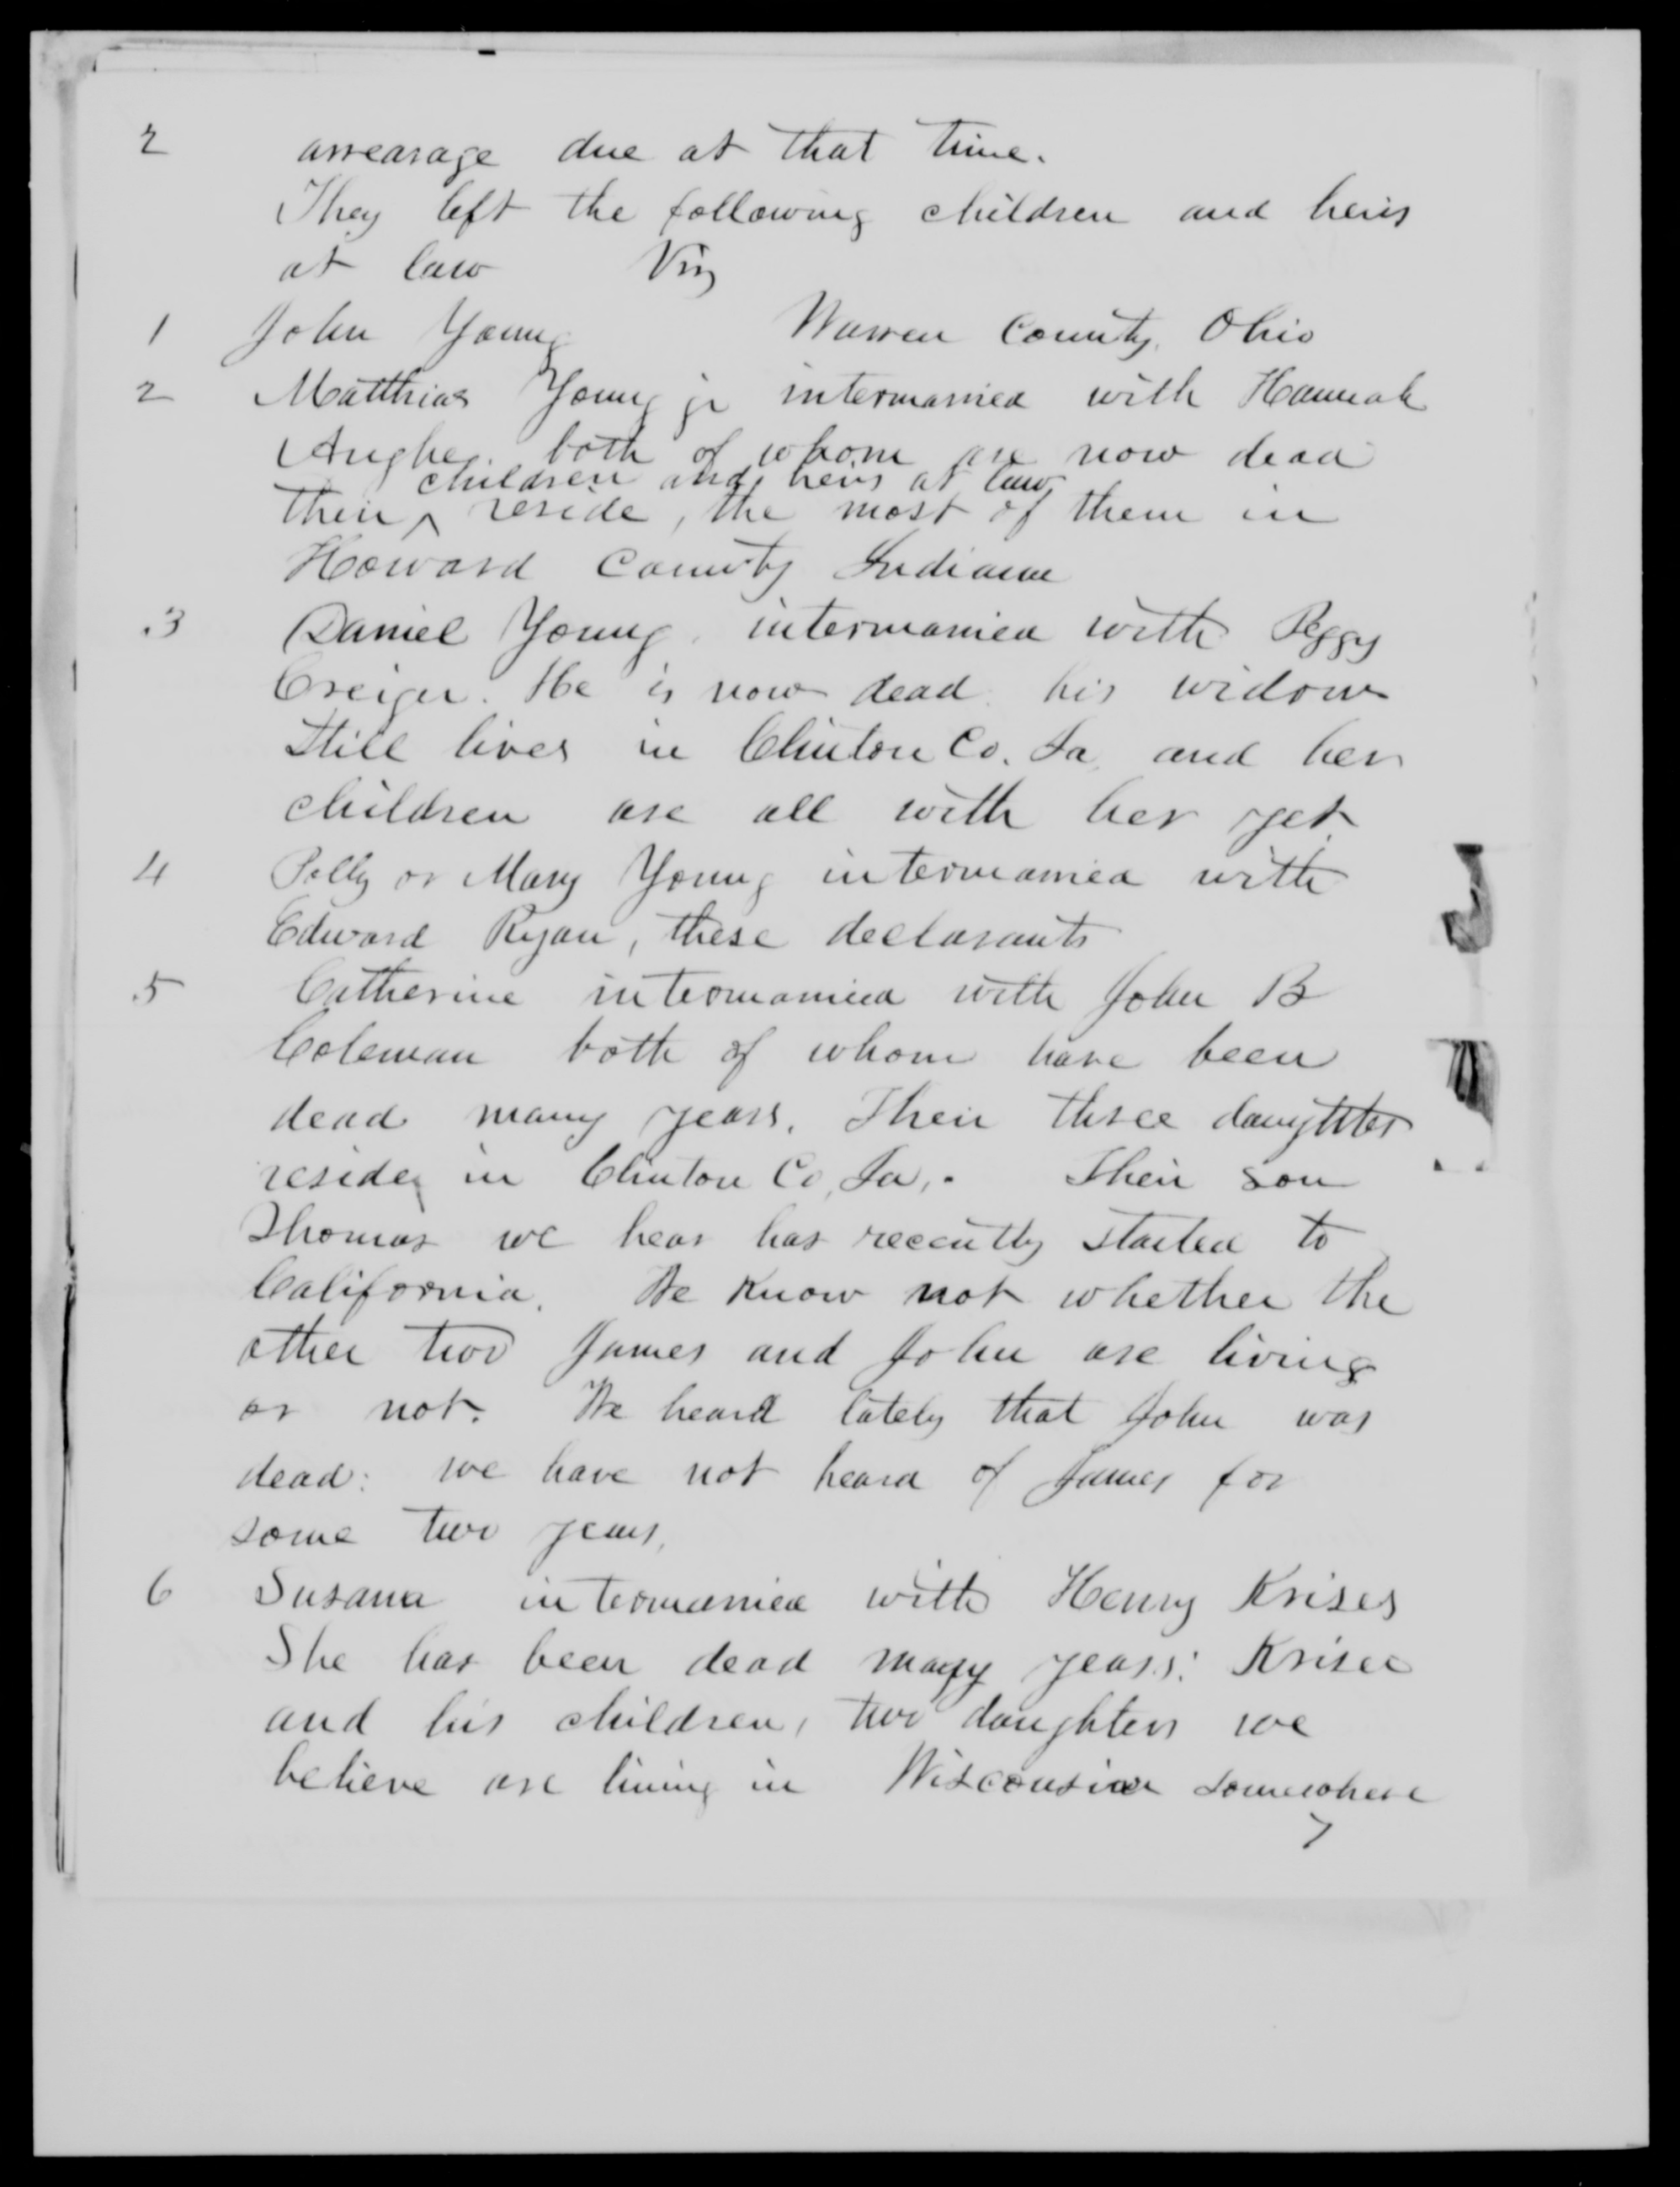2
arrearage due at that time.
They left the following children and heirs
at law Viz
1 John Young Warren County Ohio
2 Matthias Young Jr intermarried with Hannah
Hughes, both of whom are now dead.
Their children and heirs at law reside, the most of them in Howard County Indiana.
3 Daniel Young intermarried with Peggy
Creiger. He is now dead his widow
still lives in Clinton Co. Ia and her
children are all with her yet.
4 Polly or Mary Young intermarried with
Edward Ryan, these declarants.
5 Catherine intermarried with John B
Coleman both of whom have been
dead many years. Their three daughters
resides in Clinton Co. Ia. Their Son
Thomas we hear has recently started to
California. We know not whether the
other two, James and John are living
or not. We heard lately that John was
dead; we have not heard of James for
some two years
6 Susana intermarried with Henry Kriser.
She has been dead many years: Kriser
and his children, two daughters we
believe are living in Wisconsin somewhere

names: Susana, Hannah Aughe, Peggy Creiger, John B Coleman, Mary Young, John Young, Polly Young, Edward Ryan, Catherine, Matthias Young, James, Henry Kriser, Daniel Young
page: 97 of 123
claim: rejected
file: R. 11,949, Matthias Young, Md.